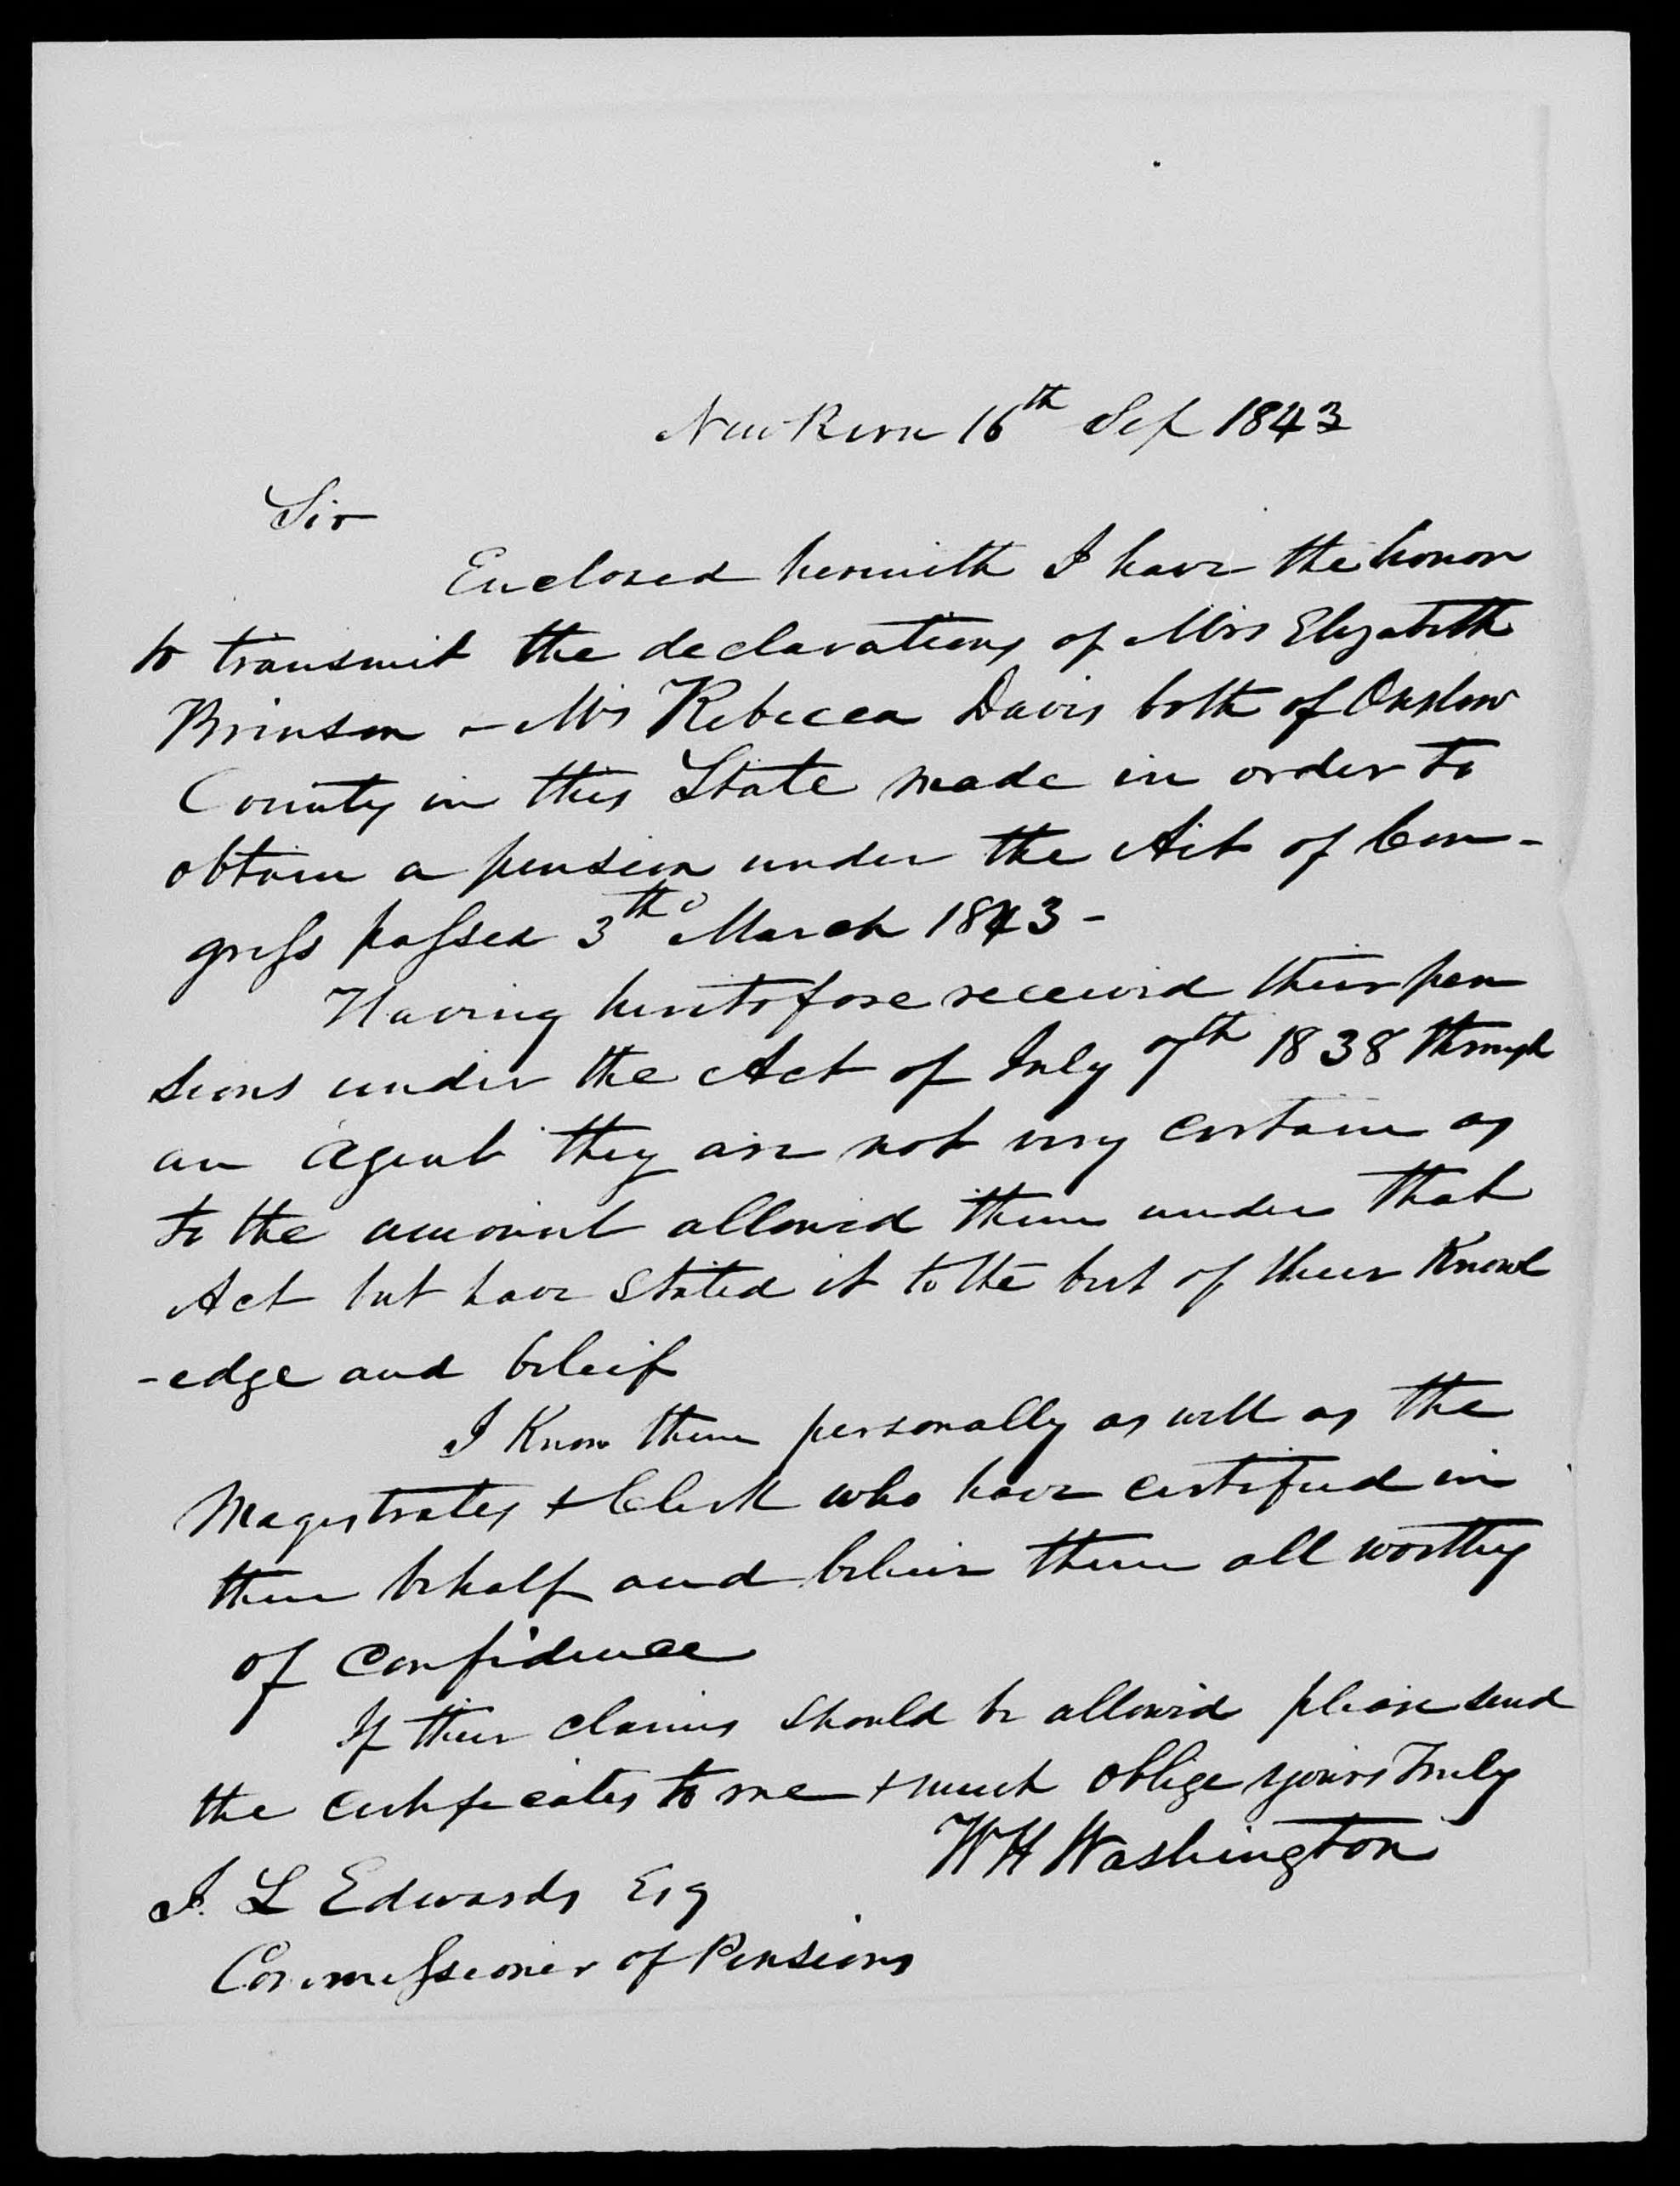New Bern 16th Sep 1843

Sir

Enclosed herewith I have the honor to transmit the declaration of Mrs. Elizabeth Brinson and Mrs Rebecca Davis both of Onslow county in this State made in  order to obtain a pension under the Act of Congress passed 3th March 1843-
Having heretofore received their pensions under the Act ofJuly 7th 1838 through an agent they are not very certain as to the amount allowed them under that Act but have stated it to the best of their knowledge and belief.
I know them personally as well as the magistrates and clerk who have certified in their behalf and believes them all worthy of confidence.
If their claims should be allowed please send the certificates to me and much oblige your Truly WH Washington

J.L. Edwards Esq
Commissioner of Pensions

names: Elizabeth Brinson, W H Washington, J L Edwards, Rebecca Davis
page: 20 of 38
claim: widow's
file: W. 5231, Hilary Brinson, N.C.